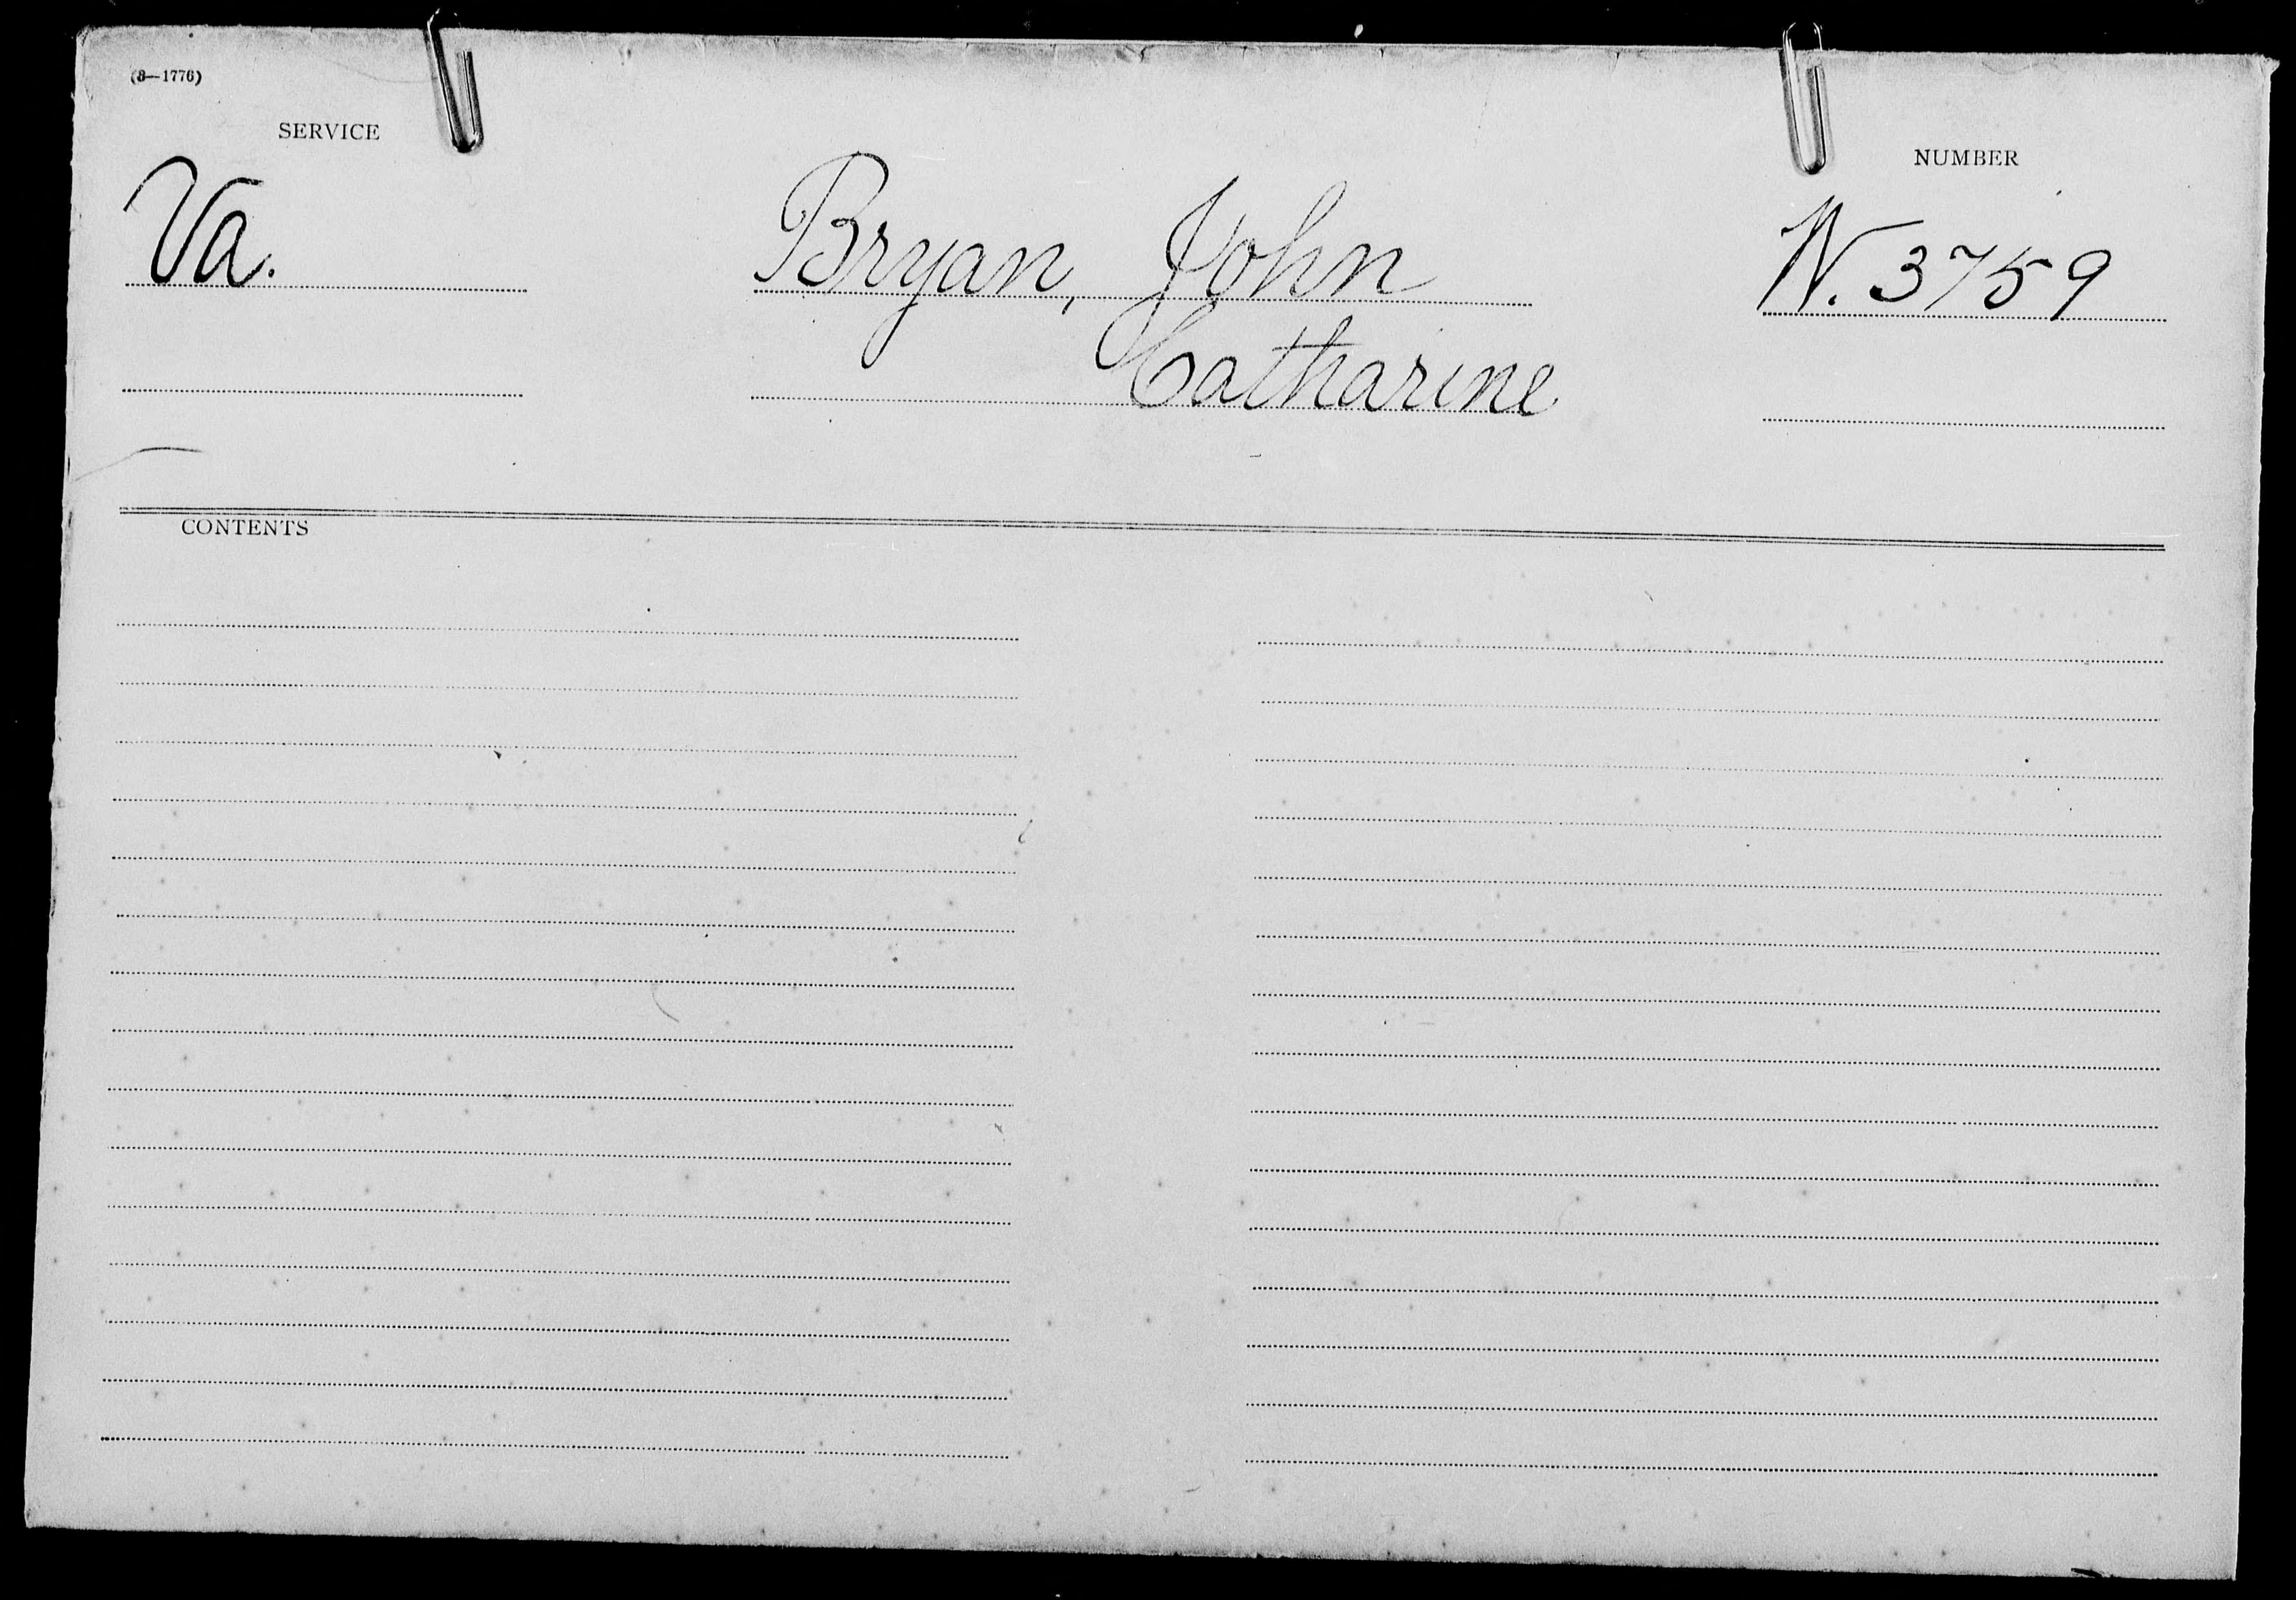(0-1776)

SERVICE
Va. 

Bryan, John 
Catharine 

NUMBER
W.3759 

CONTENTS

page: 1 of 31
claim: widow's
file: W. 3759, John Bryan, Va.